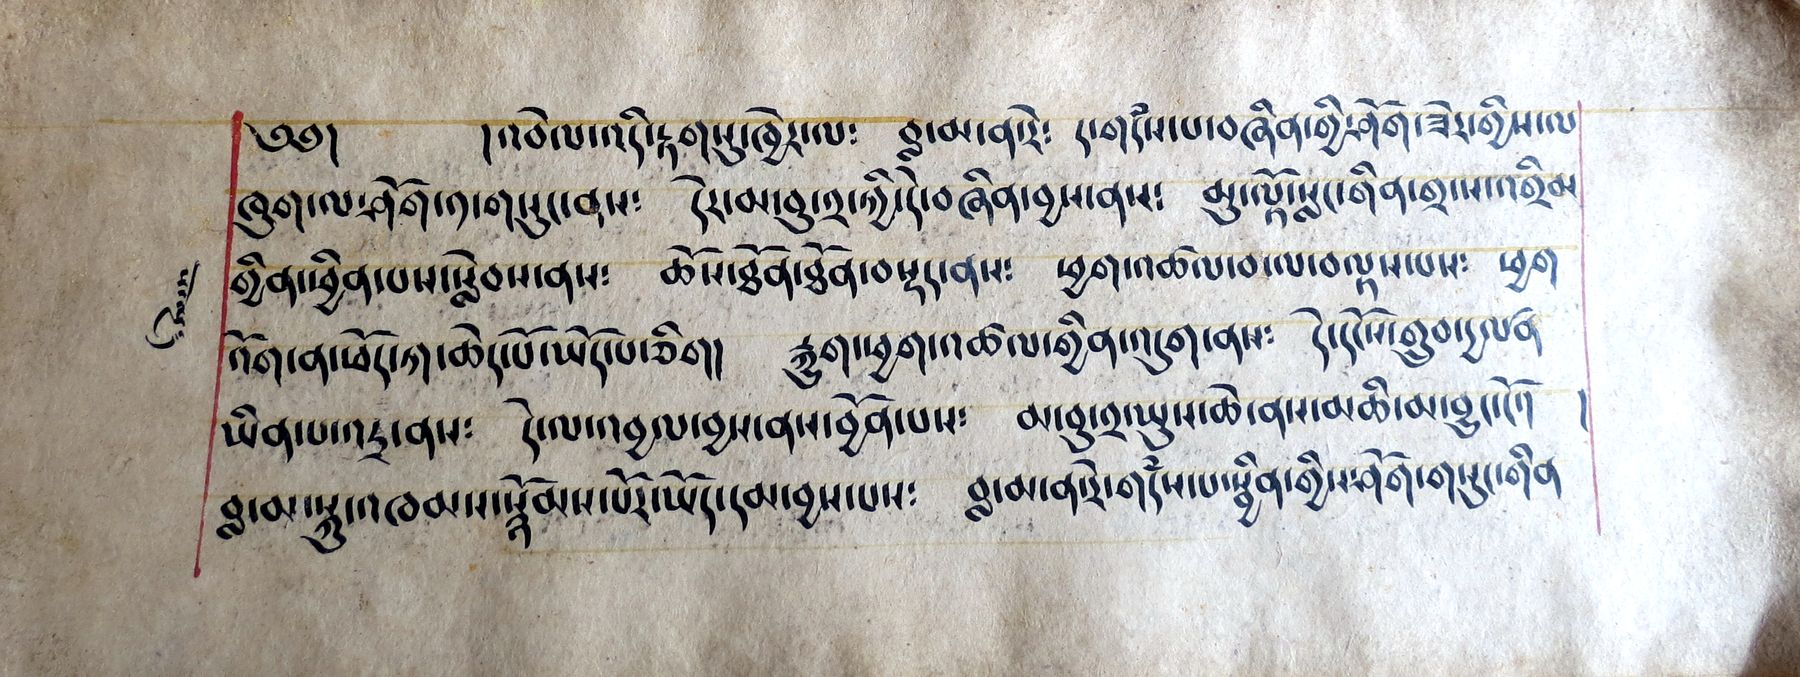འབེལ་འདི་རྟགས་སུ་ཁྱེར་ལ། བླ་མ་ན་རེ། ད་གདམས་པ་བཞིན་གྱི་ཤོག་ཟེར་གྱིས་ལ་
ཁུག་ལ་ཤོག་ཅིག་གསུངས་ནས། དེར་མ་སྨད་གཉིས་ཀྱིས་དེ་བཞིན་བྱས་པས། མུ་ལྟོ་སློང་གིན་གྲྭ་ས་འགྲིམས་
ཀྱིན་ཕྱིན་པས་སླེབས་ནས། ཆོས་ཐོན་ཐོན་བསྡད་ནས། ཕྱག་འཚལ་བ་ལ་བལྟས་པས། ཕྱག་
འོག་ན་ཕོད་ཁ་ཆེན་པོ་ཡོད་པ་ཅིག རྐྱུག་ཕྱག་འཚལ་གྱིན་འདུག་པས། དེ་དངོས་གྲུབ་རྒྱལ་མཚན་
ཡིན་པ་འདྲ་ནས། དེ་ལ་འབྱལ་བྱས་ནས་བྱོན་པ་དང་། མ་བུ་གཉིས་ཡུས་ཆེ་ནས་མཆི་མ་བྱུང་ངོ། 
བླ་མ་སྐུ་ཁམས་སྙོམས་པར་ཡོད་དམ་བྱས་པ་ལ། བླ་མས་ན་རེ། གདམས་པ་བྱིན་གྱི་ཤོག་གསུངས་གིན་